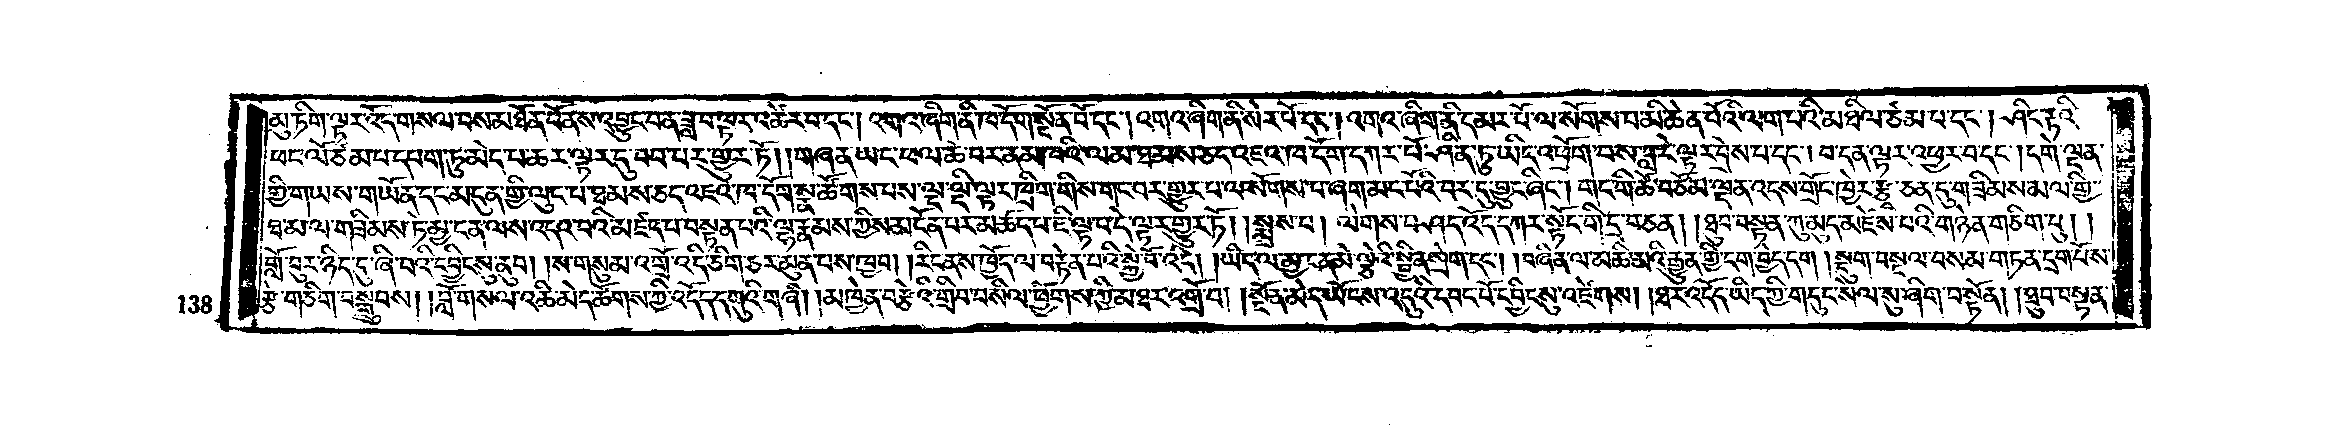མུ་ཏིག་ལྟར་འོད་གསལ་བས་མཐོན་པོ་ནས་འབྱུང་བ་ན་ཟླ་བ་ལྟར་འཚེར་བ་དང་། འགའ་ཞིག་ནི་ཁ་དོག་སྔོན་པོ་དང་། འགའ་ཞིག་ནི་སེར་པོ་དང་། འགའ་ཞིག་ནི་དམར་པོ་ལ་སོགས་པ་མི་ཆེན་པོའི་ལག་པའི་མཐིལ་ཙམ་པ་དང་། ཤིང་རྟའི་
ཕང་ལོ་ཙམ་པ་དཔག་ཏུ་མེད་པ་ཆར་ལྟར་དུ་བབ་པར་གྱུར་ཏོ། །གཞན་ཡང་ཕལ་ཆེ་བར་ནམ་མཁའི་ལམ་ཐམས་ཅད་འཇའ་ཁ་དོག་དཀར་པོ་ཤིན་ཏུ་ཡིད་འཕྲོག་བས་བླ་རེ་ལྟར་བྲེས་པ་དང་། བ་དན་ལྟར་འཕྱར་བ་དང་། དགེ་ལྡན་
གྱི་གཡས་གཡོན་དང་མདུན་གྱི་ལུང་པ་ཐམས་ཅད་འཇའ་ཁ་དོག་སྣ་ཚོགས་པས་ལྡ་ལྡི་ལྟར་ཁྲིག་གིས་གང་བར་གྱུར་པ་ལ་སོགས་པ་ཞག་མང་པོའི་བར་དུ་བྱུང་ཞིང་། གང་གི་ཚེ་བཅོམ་ལྡན་འདས་གྲོང་ཁྱེར་རྩྭ་ཅན་དུ་གཟིམས་མལ་གྱི་
ཐ་མ་ལ་གཟིམས་ཏེ་མྱ་ངན་ལས་འདའ་བའི་མཛད་པ་བསྟན་པའི་ལྷ་རྣམས་ཀྱིས་མངོན་པར་མཚད་པ་ཇི་ལྟ་བ་དེ་ལྟར་གྱུར་ཏོ། །སྨྲས་པ། ལེགས་བཤད་འོད་དཀར་སྟོང་གི་དྲ་བ་ཅན། །ཐུབ་བསྟན་ཀུ་མུད་མཛེས་པའི་གཉེན་གཅིག་པུ། །
གློ་བུར་ཉིད་དུ་ཞི་བའི་དབྱིངས་སུ་ནུབ། །ས་གསུམ་འགྲོ་འདི་ཅིག་ཅར་མུན་པས་ཁྱབ། །རིང་ནས་ཁྱོད་ལ་བརྟེན་པའི་སྐྱེ་བོ་འདི། །ཡིད་ལ་མྱ་ངན་མེ་ལྕེའི་སྦྱིན་སྲེག་དང་། །བཞིན་ལ་མཆི་མའི་རྒྱུན་གྱི་དག་བྱེད་དག །སྡུག་བསྔལ་བསམ་གཏན་དྲག་པོས་
རྩེ་གཅིག་བསྒྲུབས། །བློ་གསལ་འཆི་མེད་ཚོགས་ཀྱི་འདོད་དགུའི་གཞི། །མཁྱེན་བརྩེའི་གྲིབ་བསིལ་ཕྱོགས་ཀྱི་མ་ཐར་འགྲོ་བ། །སྔོན་མེད་ཡོངས་འདུའི་དབང་པོ་དབྱིངས་སུ་འཛེགས། །ཐར་འདོད་ཡིད་ཀྱི་གདུང་སེལ་སུ་ཞིག་བསྟོན། །ཐུབ་བསྟན་